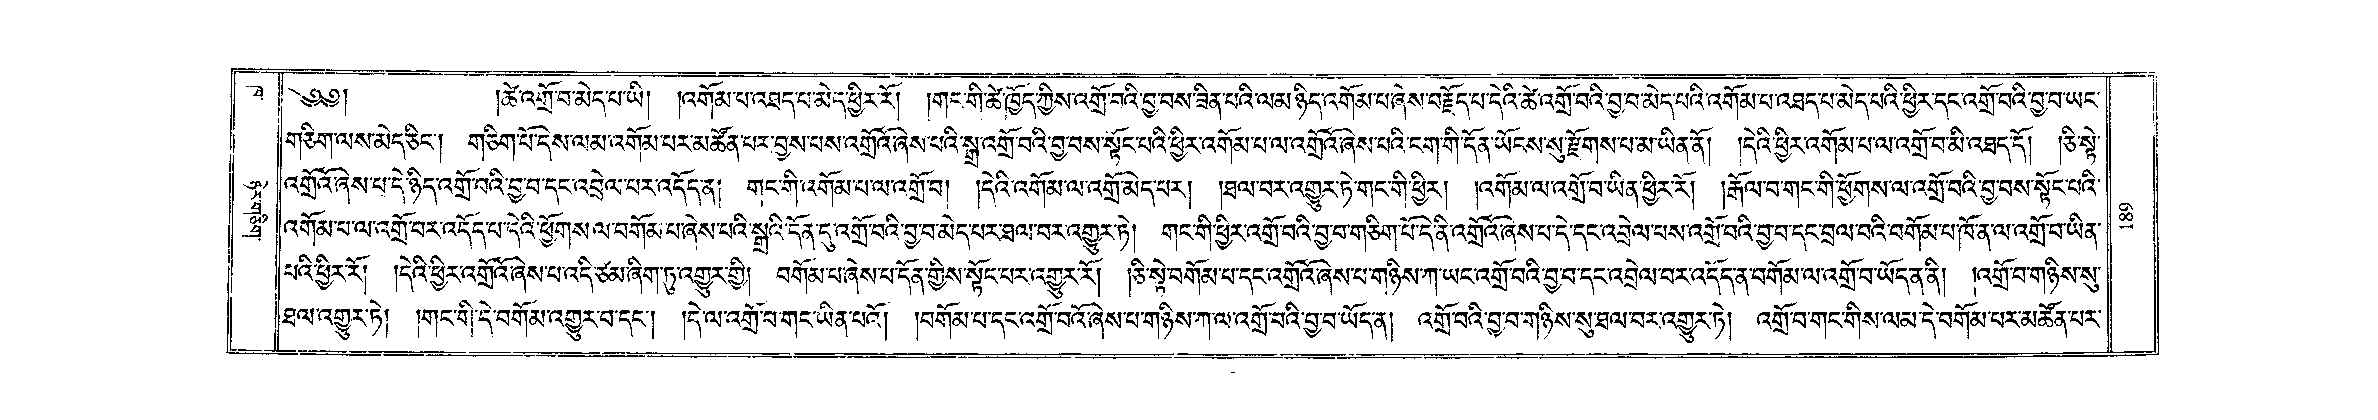༄༅། །ཚེ་འགྲོ་བ་མེད་པ་ཡི། །འགོམ་པ་འཐད་པ་མེད་ཕྱིར་རོ། །གང་གི་ཚེ་ཁྱོད་ཀྱིས་འགྲོ་བའི་བྱ་བས་ཟིན་པའི་ལམ་ཉིད་འགོམ་པ་ཞེས་བརྗོད་པ་དེའི་ཚེ་འགྲོ་བའི་བྱ་བ་མེད་པའི་འགོམ་པ་འཐད་པ་མེད་པའི་ཕྱིར་དང་འགྲོ་བའི་བྱ་བ་ཡང་
གཅིག་ལས་མེད་ཅིང་། གཅིག་པོ་དེས་ལམ་འགོམ་པར་མཚོན་པར་བྱས་པས་འགྲོའོ་ཞེས་པའི་སྒྲ་འགྲོ་བའི་བྱ་བས་སྟོང་པའི་ཕྱིར་འགོམ་པ་ལ་འགྲོའོ་ཞེས་པའི་ངག་གི་དོན་ཡོངས་སུ་རྫོགས་པ་མ་ཡིན་ནོ། །དེའི་ཕྱིར་འགོམ་པ་ལ་འགྲོ་བ་མི་འཐད་དོ། །ཅི་སྟེ་
འགྲོའོ་ཞེས་པ་དེ་ཉིད་འགྲོ་བའི་བྱ་བ་དང་འབྲེལ་པར་འདོད་ན། གང་གི་འགོམ་པ་ལ་འགྲོ་བ། །དེའི་འགོམ་ལ་འགྲོ་མེད་པར། །ཐལ་བར་འགྱུར་ཏེ་གང་གི་ཕྱིར། །འགོམ་ལ་འགྲོ་བ་ཡིན་ཕྱིར་རོ། །རྒོལ་བ་གང་གི་ཕྱོགས་ལ་འགྲོ་བའི་བྱ་བས་སྟོང་པའི་
འགོམ་པ་ལ་འགྲོ་བར་འདོད་པ་དེའི་ཕྱོགས་ལ་བགོམ་པ་ཞེས་པའི་སྒྲའི་དོན་དུ་འགྲོ་བའི་བྱ་བ་མེད་པར་ཐལ་བར་འགྱུར་ཏེ། གང་གི་ཕྱིར་འགྲོ་བའི་བྱ་བ་གཅིག་པོ་དེ་ནི་འགྲོའོ་ཞེས་པ་དེ་དང་འབྲེལ་བས་འགྲོ་བའི་བྱ་བ་དང་བྲལ་བའི་བགོམ་པ་ཁོ་ན་ལ་འགྲོ་བ་ཡིན་
པའི་ཕྱིར་རོ། །དེའི་ཕྱིར་འགྲོའོ་ཞེས་པ་འདི་ཙམ་ཞིག་ཏུ་འགྱུར་གྱི། བགོམ་པ་ཞེས་པ་དོན་གྱིས་སྟོང་པར་འགྱུར་རོ། །ཅི་སྟེ་བགོམ་པ་དང་འགྲོའོ་ཞེས་པ་གཉིས་ཀ་ཡང་འགྲོ་བའི་བྱ་བ་དང་འབྲེལ་བར་འདོད་ན་བགོམ་ལ་འགྲོ་བ་ཡོད་ན་ནི། །འགྲོ་བ་གཉིས་སུ་
ཐལ་འགྱུར་ཏེ། །གང་གི་དེ་བགོམ་འགྱུར་བ་དང་། །དེ་ལ་འགྲོ་བ་གང་ཡིན་པའོ། །བགོམ་པ་དང་འགྲོ་བའོ་ཞེས་པ་གཉིས་ཀ་ལ་འགྲོ་བའི་བྱ་བ་ཡོད་ན། འགྲོ་བའི་བྱ་བ་གཉིས་སུ་ཐལ་བར་འགྱུར་ཏེ། འགྲོ་བ་གང་གིས་ལམ་དེ་བགོམ་པར་མཚོན་པར་